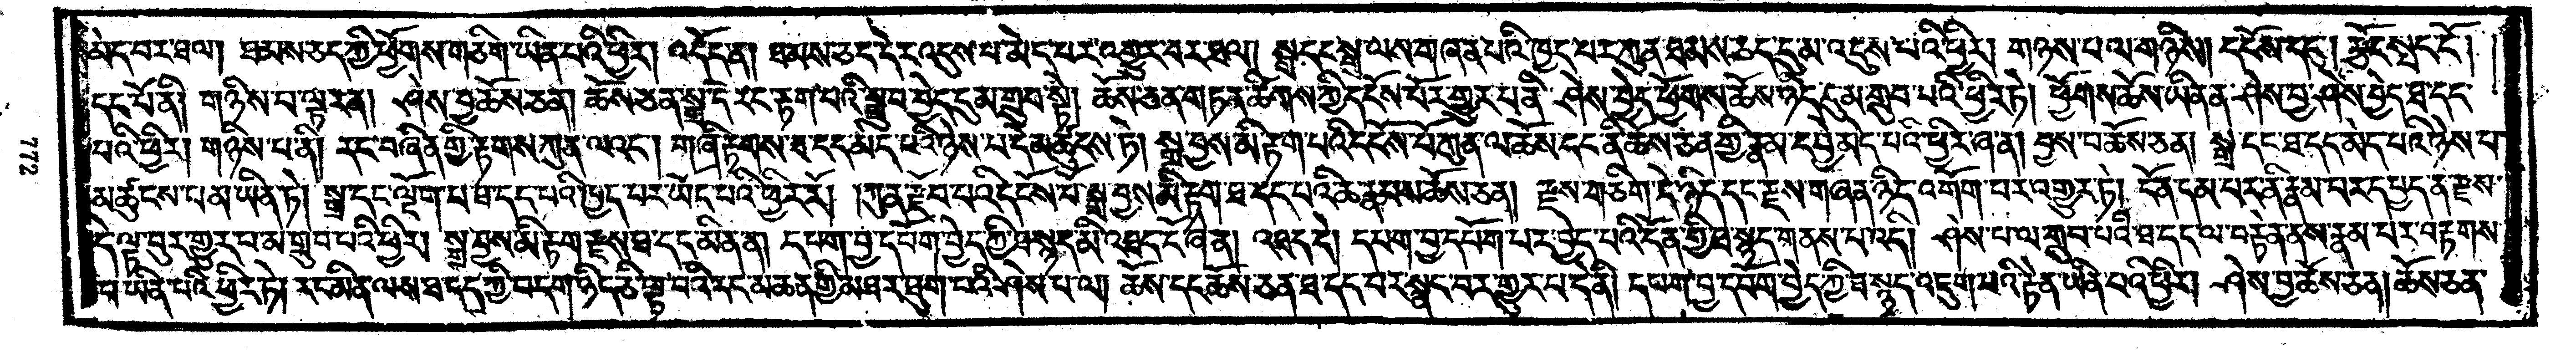མེད་པར་ཐལ། ཐམས་ཅད་ཀྱི་ཕྱོགས་གཅིག་ཡིན་པའི་ཕྱིར། འདོད་ན། ཐམས་ཅད་དེར་འདུས་པ་མེད་པར་འགྱུར་བར་ཐལ། སྒྲ་དང་སྒྲ་ལས་གཞན་པའི་ཁྱད་པར་ཀུན་ཐམས་ཅད་དུ་མ་འདུས་པའི་ཕྱིར། གཉིས་པ་ལ་གཉིས། དངོས་དང་། རྩོད་སྤང་ངོ། །
དང་པོ་ནི། གཉིས་པ་ལྟར་ན། ཤེས་བྱ་ཆོས་ཅན། ཆོས་ཅན་སྒྲ་དེ་རང་རྟག་པའི་སྒྲུབ་བྱེད་དུ་མ་གྲུབ་སྟེ། ཆོས་ཅན་གཏན་ཚིགས་ཀྱི་དངོས་པོར་གྱུར་པ་ནི་ཤེས་བྱེད་ཕྱོགས་ཆོས་ཉིད་དུ་མ་གྲུབ་པའི་ཕྱིར་ཏེ། ཕྱོགས་ཆོས་ཡིན་ན་ཤེས་བྱ་ཤེས་བྱེད་ཐ་དང་
པའི་ཕྱིར། གཉིས་པ་ནི། རང་བཞིན་གྱི་རྟགས་ཀུན་ལའང་། གཞི་རྟགས་ཐ་དད་མེད་པའི་ཉེས་པ་དེ་མཚུངས་ཏེ། སྒྲ་བྱས་མི་རྟག་པའི་དངོས་པོ་ཀུན་ལ་ཆོས་དང་ནི་ཆོས་ཅན་གྱི་རྣམ་དབྱེ་མེད་པའི་ཕྱིར་ཞ་ན། བྱས་པ་ཆོས་ཅན། སྒྲ་དང་ཐ་དད་མེད་པའི་ཉེས་པ་
མཚུངས་པ་མ་ཡིན་ཏེ། སྒྲ་དང་ལྡོག་པ་ཐ་དད་པའི་ཁྱད་པར་ཡོད་པའི་ཕྱིར་རོ། །ཀུན་རྫོབ་པའི་དངོས་པོ་སྒྲ་བྱས་མི་རྟག་ཐ་དད་པའི་ཆ་རྣམས་ཆོས་ཅན། རྫས་གཅིག་དེ་ཉིད་དང་རྫས་གཞན་ཉིད་འགོག་པར་འགྱུར་ཏེ། ངོན་དམ་པར་ནི་རྣམ་པར་དཔྱད་ན་རྫས་
དེ་ལྟ་བུར་གྱུར་པ་མ་གྲུབ་པའི་ཕྱིར། སྒྲ་བྱས་མི་རྟག་རྫས་ཐ་དད་མིན་ན། དཔག་བྱ་དཔོག་བྱེད་ཀྱི་ཐ་སྙད་མི་འཐང་ངོ་ཞེ་ན། འཐད་དེ། དཔག་བྱ་དཔོག་པར་བྱེད་པའི་དོན་གྱི་ཐ་སྙད་གནས་པ་འདི། ཤེས་པ་ལ་གྲུབ་པའི་ཐ་དད་ལ་བརྟེན་ནས་རྣམ་པར་བརྟགས་
པ་ཡིན་པའི་ཕྱིར་ཏེ། རང་མིན་ལས་ཐ་དད་ཀྱི་བདག་ཉིད་ཅི་ལྟ་བའི་རང་མཚན་གྱི་མཐར་ཐུག་པའི་ཤེས་པ་ལ། ཆོས་དང་ཆོས་ཅན་ཐ་དང་པར་སྣང་བར་གྱུར་པ་དེ་ནི། དཔག་བྱ་དཔོག་བྱེད་ཀྱི་ཐ་སྙད་འཇུག་པའི་རྟེན་ཡིན་པའི་ཕྱིར། ཤེས་བྱ་ཆོས་ཅན། ཆོས་ཅན་